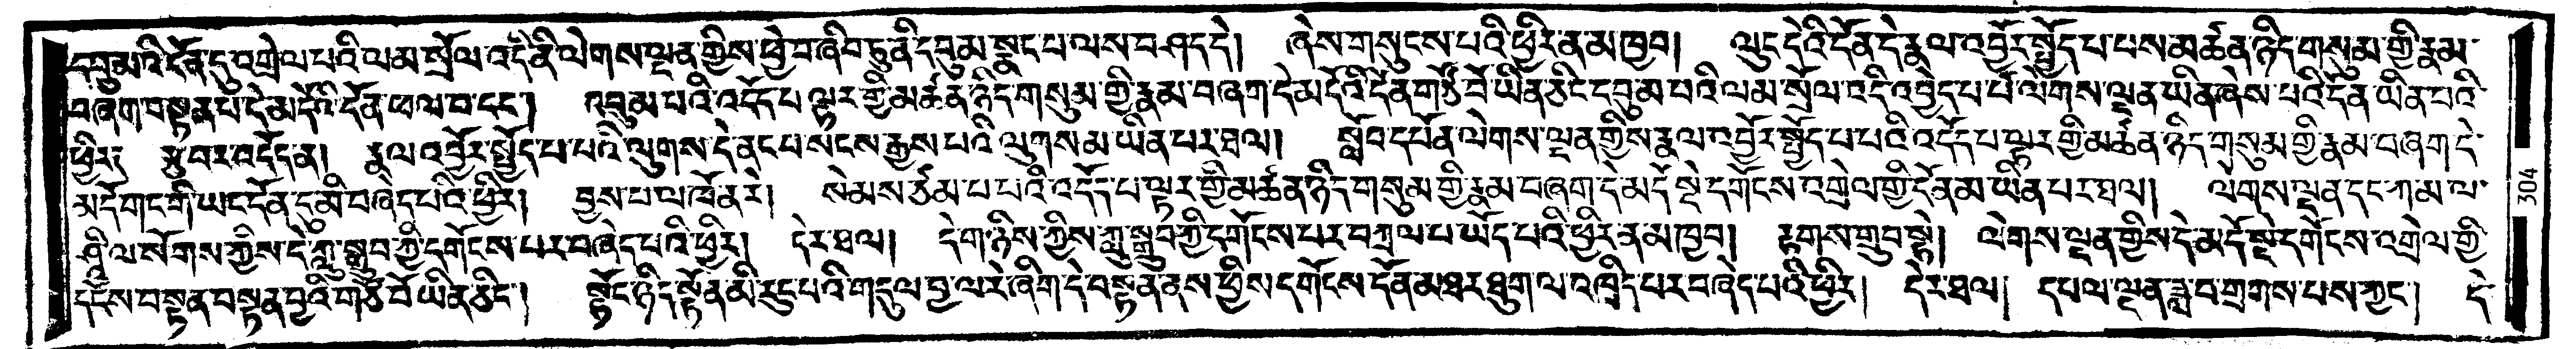དབུ་མའི་དོན་དུ་འགྲེལ་པའི་ལམ་སྲོལ་འདི་ནི་ལེགས་ལྡན་གྱིས་ཕྱེ་བ་ཞིབ་ཏུ་ནི་དབུ་མ་སྣང་པ་ལས་བཤད་དེ། ཞེས་གསུངས་པའི་ཕྱིར་ན་མ་ཁྱབ། ལུང་དེའི་དོན་དེ་རྣལ་འབྱོར་སྤྱོད་པ་པས་མཚན་ཉིད་གསུམ་གྱི་རྣམ་
བཞག་བསྟན་པ་དེ་མདོའི་དོན་ཕལ་བ་དང་། འབུམ་པའི་འདོད་པ་ལྟར་གྱི་མཚན་ཉིད་གསུམ་གྱི་རྣམ་བཞག་དེ་མདོའི་དོན་གཙོ་བོ་ཡིན་ཅིང་དབུ་མ་པའི་ལམ་སྲོལ་འདི་འབྱེད་པ་པོ་ལེགས་ལྡན་ཡིན་ཞེས་པའི་དོན་ཡིན་པའི་
ཕྱིར༑ རྩ་བར་འདོད་ན། རྣལ་འབྱོར་སྤྱོད་པ་པའི་ལུགས་དེ་ནང་པ་སངས་རྒྱས་པའི་ལུགས་མ་ཡིན་པར་ཐལ། སློབ་དཔོན་ལེགས་ལྡན་གྱིས་རྣལ་འབྱོར་སྤྱོད་པ་པའི་འདོད་པ་ལྟར་གྱི་མཚན་ཉིད་གསུམ་གྱི་རྣམ་བཞག་དེ་
མདོ་གང་གི་ཡང་དོན་དུ་མི་བཞེད་པའི་ཕྱིར། བྱས་པ་ལ་ཁོ་ན་རེ། སེམས་ཙམ་པ་པའི་འདོད་པ་ལྟར་གྱི་མཚན་ཉིད་གསུམ་གྱི་རྣམ་བཞག་དེ་མདོ་སྡེ་དགོངས་འགྲེལ་གྱི་དོན་མ་ཡིན་པར་ཐལ། ལེགས་ལྡན་དང་ཀ་མ་ལ་
ཤཱི་ལ་སོགས་ཀྱིས་དེ་ཀླུ་སྒྲུབ་ཀྱི་དགོངས་པར་བཞེད་པའི་ཕྱིར། དེར་ཐལ། དེ་གཉིས་ཀྱིས་ཀླུ་སྒྲུབ་ཀྱི་དགོངས་པར་བཀྲལ་པ་ཡོད་པའི་ཕྱིར་ན་མ་ཁྱབ། རྟགས་གྲུབ་སྟེ། ལེགས་ལྡན་གྱིས་དེ་མདོ་སྡེ་དགོངས་འགྲེལ་གྱི་
དངོས་བསྟན་བསྟན་བྱའི་གཙོ་བོ་ཡིན་ཅིང་། སྟོང་ཉིད་སྟོན་མི་རུང་པའི་གདུལ་བྱ་ལ་རེ་ཞིག་དེ་བསྟན་ནས་ཕྱིས་དགོངས་དོན་མཐར་ཐུག་ལ་འཁྲིད་པར་བཞེད་པའི་ཕྱིར། དེར་ཐལ། དཔལ་ལྡན་ཟླ་བ་གྲགས་པས་ཀྱང་། དེ་